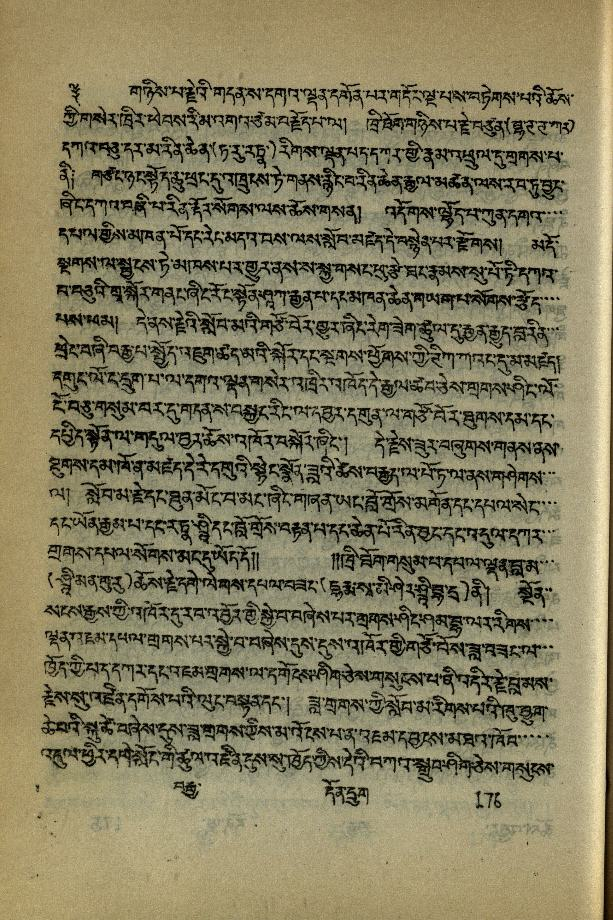༈ གཉིས་པ་རྗེའི་གདན་ས་དགའ་ལྡན་དགོན་པར་གདོང་ལྔ་པས་བཏེགས་པའི་ཆོས་
ཀྱི་གསེར་ཁྲིར་ཕེབས་རིམ་འགའ་ཙམ་བརྗོད་པ་ལ། ཁྲི་ཐོག་གཉིས་པ་རྗེ་བཙུན་བྷ་ཊ་ཊ་ཀར
དཀའ་བཅུ་དར་མ་རིན་ཆེན་ཏ་རུ་རཏྣ་རིགས་ལྡན་པད་དཀར་གྱི་རྣམ་འཕྲུལ་དུ་གྲགས་པ་
ནི༑ གཙང་ཉང་སྟོད་ཆུ་ཕྲང་དུ་འཁྲུངས་ཏེ་གནས་རྙིང་བ་རིན་ཆེན་རྒྱལ་མཚན་ལས་རབ་ཏུ་བྱུང་
ཞིང་དཀའ་བཞི་པ་རིན་རྡོར་སོགས་ལས་ཆོས་གསན། འདོགས་ལྷོད་པ་ཀུན་དགའ་
དཔལ་གྱིས་མཁན་པོ་དང་རེང་མདའ་བས་ལས་སློབ་མཛད་དེ་བསྙེན་པར་རྫོགས། མདོ་
སྔགས་ལ་སྦྱངས་ཏེ་མཁས་པར་གྱུར་ནས་ས་སྐྱ་གསང་ཕུ་རྩེ་ཐང་རྣམས་སུ་པོ་ཏི་དཀའ་
བ་བཅུའི་གྲྭ་སྐོར་གནང་ཞིང་རོང་སྟོན་ཤཱཀ་རྒྱན་པ་དང་མཁན་ཆེན་གཡག་པ་སོགས་རྩོད་
པས་ཕམ། དེ་ནས་རྗེའི་སློབ་མའི་གཙོ་བོར་གྱུར་ཞིང་རེག་ཟེག་ཚུལ་དུ་རྒྱན་རྒྱུད་བླ་རིན་
ཕྲེང་བཞི་བརྒྱ་པ་སྤྱོད་འཇུག་ཚད་མའི་སྐོར་དང་སྔགས་ཕྱོགས་ཀྱི་ཊིཀ་ཀའང་དུ་མ་མཛད།
དགུང་ལོ་ང་དྲུག་པ་ལ་དགའ་ལྡན་གསེར་འཁྲིར་འཁོད་དེ་རྒྱལ་ཚབ་ཅེས་གྲགས་ཤིང་ལོ་
ངོ་བཅུ་གསུམ་བར་དུ་གདན་ས་བསྐྱང་རིང་ལ་དབྱར་དགུན་ལ་གཙོ་བོར་ཐུགས་དམ་དང་
དཔྱིད་སྟོན་ལ་གདུལ་བྱར་ཆོས་འཁོར་བསྐོར་ཞིང་། དེ་རྗེས་ཟུར་བཞུགས་གནས་ནས་
ཐུགས་དམ་ཁོ་ན་མཛད་དེ་རེ་དགུའི་སྟེང་སྨོན་ཟླའི་ཚེས་བརྒྱད་ལ་པོ་ཏ་ལ་ནས་གཤེགས་
ལ། སློབ་མ་རྗེ་དང་ཐུན་མོང་བ་མང་ཞིང་གཞན་ཡང་བློ་གྲོས་མགོན་དང་དཔལ་སེང་
དང་ཡོན་རྒྱམ་པ་དང་རཏྣ་ཤྲཱི་དང་བློ་གྲོས་བརྟན་པ་དང་ཆེན་པོ་རིན་བྱང་དང་འདུལ་དཀར་
གྲགས་དཔལ་སོགས་མང་དུ་ཡོད་དོ།། །།ཁྲི་ཐོག་གསུམ་པ་དཔལ་ལྡན་བླ་མ་
ཤྲཱི་མན་གུ་རུ་ཆོས་རྗེ་དགེ་ལེགས་དཔལ་བཟང་དྷརྨ་སྭ་མི་ཤེ་ར་ཤྲཱི་བྷ་དྲ་ནི། སྔོན་
སངས་རྒྱས་ཀྱི་འཁོར་དུ་རབ་འབྱོར་གྱི་སྐྱེ་བ་བཞེས་པར་གྲགས་ཤིང་ཤམ་བྷ་ལར་རིགས་
ལྡན་འཇམ་དཔལ་གྲགས་པར་སྐྱེ་བ་བཞེས་དུས་དུས་འཁོར་གྱི་གཙོ་བོས་ཟླ་བཟང་ལ་
ཁྱོད་ཀྱི་པད་དཀར་དང་འཇམ་གྲགས་ལ་དགོངས་ཤིག་ཅེས་གསུངས་པ་ནི་འདིར་རྗེ་བླ་མས་
རྗེས་སུ་འཛིན་དགོས་པའི་ལུང་བསྟན་དང་། ཟླ་གྲགས་ཀྱི་སློབ་མ་རིགས་པའི་ཁུ་བྱུག་
ཆེ་བའི་སྐུ་ཚེ་བཞེས་དུས་ཟླ་གྲགས་ཀྱིས་མ་འོངས་པ་ན་འཇམ་དབྱངས་མཐའ་ཁོབ་
འདུལ་ཕྱིར་དགེ་སློང་གི་ཚུལ་འཛིན་དུས་སུ་ཁྱོད་ཀྱིས་དེའི་བཀའ་སྒྲུབ་ཤིག་ཅེས་གསུངས་